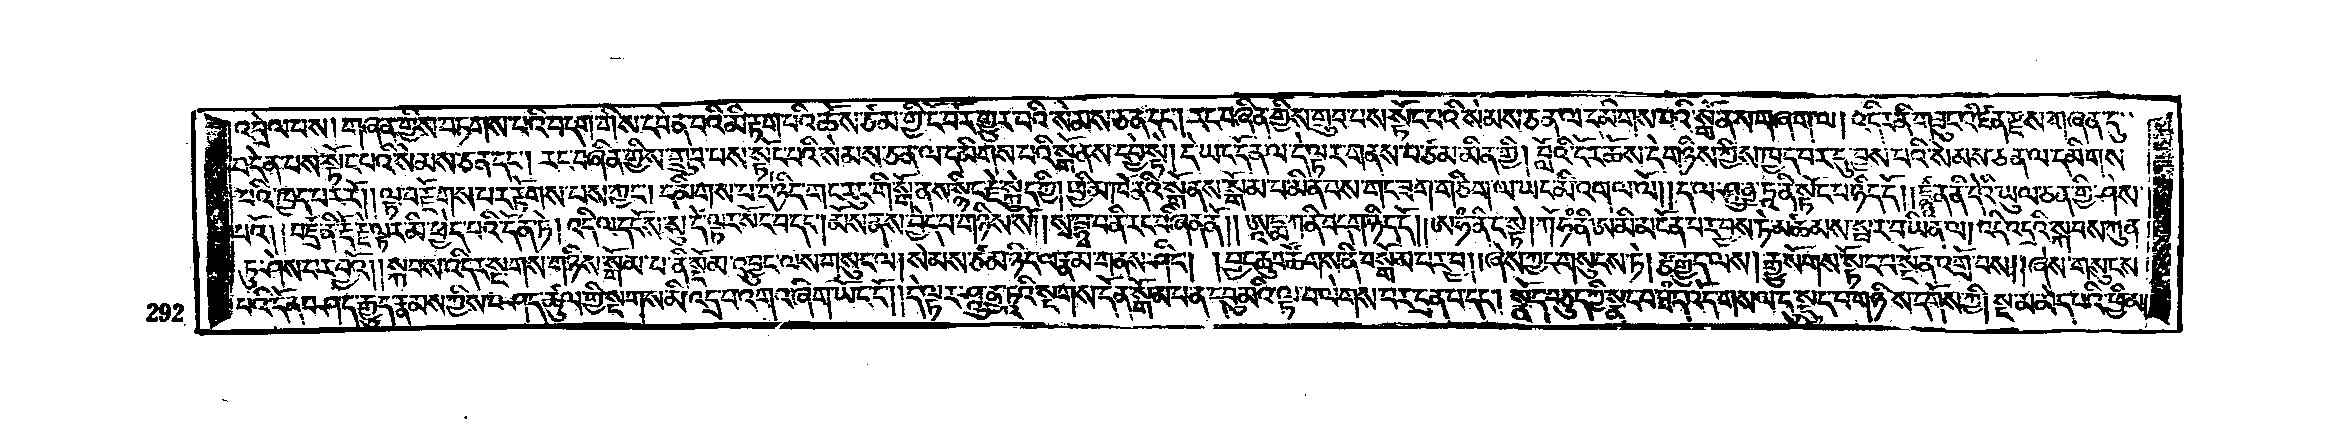འབྲེལ་པས། གཞན་གྱིས་བཏགས་པའི་བདག་གིས་བདེན་པའི་མི་རྟག་པའི་ཆོས་ཙམ་གྱི་ངོ་བོར་གྱུར་པའི་སེམས་ཅན་དང་། རང་བཞིན་གྱིས་གྲུབ་པས་སྟོང་པའི་སེམས་ཅན་ལ་དམིགས་པའི་སྒོ་ནས་གཞག་ལ། འདིར་ནི་གཟུང་འཛིན་རྫས་གཞན་དུ་
བདེན་པས་སྟོང་པའི་སེམས་ཅན་དང་། རང་བཞིན་གྱིས་གྲུབ་པས་སྟོང་པའི་སེམས་ཅན་ལ་དམིགས་པའི་སྒོ་ནས་དབྱེ་སྟེ། དེ་ཡང་དོན་ལ་དེ་ལྟར་གནས་པ་ཙམ་མིན་གྱི། བློའི་ངོར་ཆོས་དེ་གཉིས་ཀྱིས་ཁྱད་པར་དུ་བྱས་པའི་སེམས་ཅན་ལ་དམིགས་
པའི་ཁྱད་པར་རོ། །ལྟ་བ་རྫོགས་པར་རྟོགས་པས་ཀྱང་། དམིགས་པ་དེ་ཉིད་གང་རུང་གི་སྒོ་ནས་སྙིང་རྗེ་སྐྱེད་ཀྱི། ཕྱི་མ་ཁོ་ནའི་སྒོ་ནས་སྒོམ་པ་མིན་པས་གང་ཟག་གཅིག་ལ་ཡང་མི་འགལ་ལོ། །དེ་ལ་ཤཱུ་ནྱ་ཏཱ་ནི་སྟོང་པ་ཉིད་དོ། །ཛྙཱ་ན་ནི་དེའི་ཡུལ་ཅན་གྱི་ཤེས་
པའོ། །བཛྲ་ནི་རྡོ་རྗེ་ལྟར་མི་ཕྱེད་པའི་དོན་ཏེ། འདི་ལ་དངོས་སུ་དེ་ལྟར་སོང་བ་དང་། མོས་ནས་བྱེད་པ་གཉིས་སོ། །སྭ་བྷྭ་བ་ནི་རང་བཞིན་ནོ། །ཨཱདམ་ཀ་ནི་བདག་ཉིད་དོ། །ཨ་ཧཾ་ནི་ང་སྟེ། ཀོ་ཧཾ་ནི་ཨ་མི་མངོན་པར་བྱས་ཏེ་མཚམས་སྦྱར་བ་ཡིན་ལ། འདི་འདྲའི་སྐབས་ཀུན་
ཏུ་ཤེས་པར་བྱའོ། །སྐབས་འདིར་སྔགས་གཉིས་སྒོམ་པ་ནི་སྡོམ་འབྱུང་ལས་གསུང་ལ། སེམས་ཙམ་ཉིད་ལ་རྣམ་གནས་ཤིང་། །བྱང་ཆུབ་ཚོགས་ནི་བསྒོམ་པར་བྱ། །ཞེས་ཀྱང་གསུངས་ཏེ། རྩ་རྒྱུད་ལས། རྒྱུ་སོགས་སྟོང་པ་སྔོན་འགྲོ་བས། །ཞེས་གསུངས་
པའི་དོན་བཤད་རྒྱུད་རྣམས་ཀྱིས་བཤད་ཚུལ་གྱི་སྔགས་མི་འདྲ་བ་འགའ་ཞིག་ཡོད་དོ། །དེ་ལྟར་ཤཱུ་ནྱ་ཏཱའི་སྔགས་དོན་སྒོམ་པ་ན་དབུ་མའི་ལྟ་བ་ལེགས་པར་དྲན་པ་དང་། སྣོད་བཅུད་ཀྱི་སྣང་བ་ཐམས་ཅད་འོད་གསལ་དུ་སྡུད་པ་གཉིས་དགོས་ཀྱི། སྔ་མ་མེད་པའི་ཕྱི་མ་